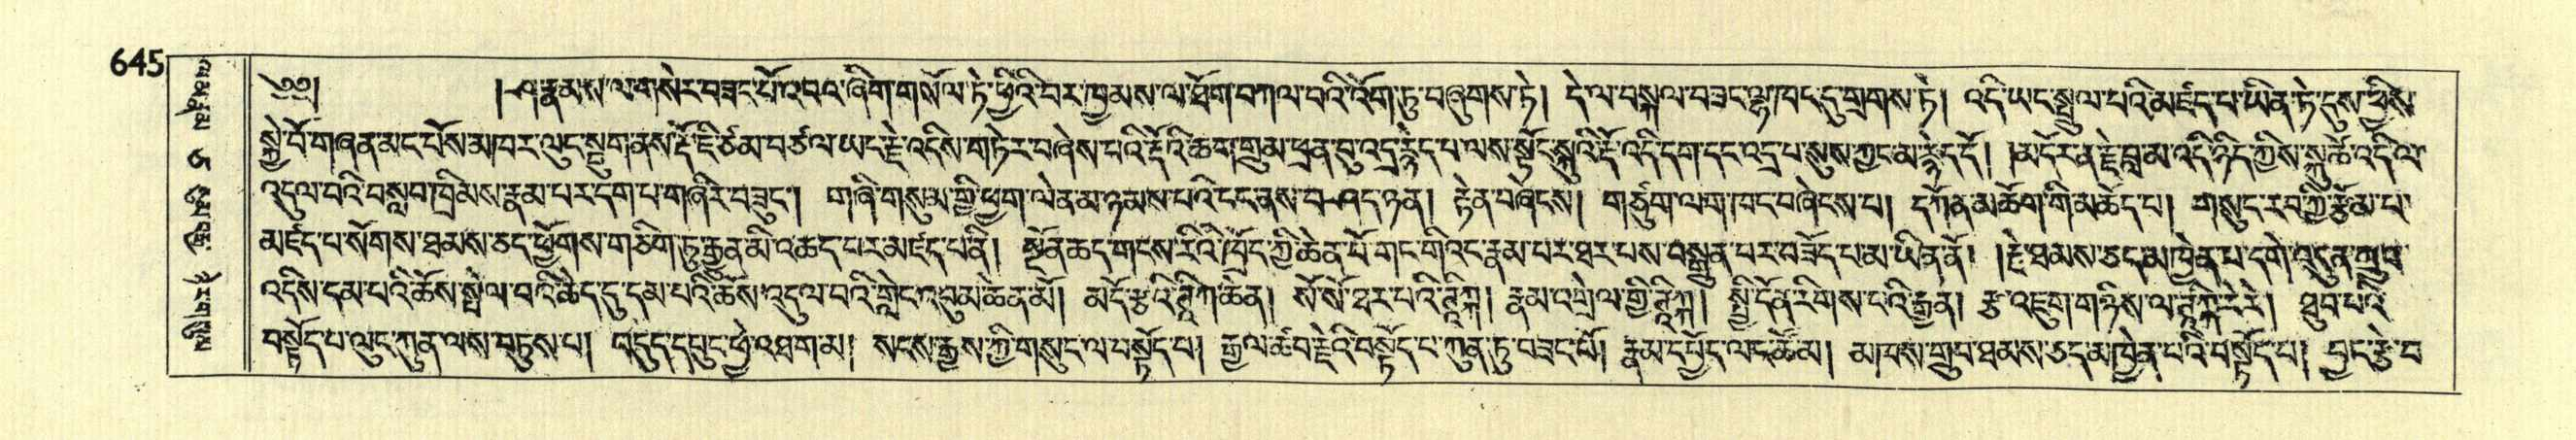༄༅། །ཤ་རྣམས་ལ་གསེར་བཟང་པོ་འབའ་ཞིག་གསོལ་ཏེ་ཕྱིའི་བར་ཁྱམས་ལ་ཐོག་བཀལ་བའི་འོག་ཏུ་བཞུགས་ཏེ། དེ་ལ་བསྐལ་བཟང་ལྷ་ཁང་དུ་གྲགས་ཏེ། འདི་ཡང་སྤྲུལ་པའི་མཛད་པ་ཡིན་ཏེ་དུས་ཕྱིས་
སྐྱེ་བོ་གཞན་མང་པོས་མཁར་ལུང་སྦུག་ནས་རྡོ་ཇི་ཙམ་བཙལ་ཡང་རྗེ་འདིས་གཏེར་བཞེས་པའི་རྡོའི་ཆག་གྲུམ་ཕྲན་བུ་འདྲ་རྙེད་པ་ལས་སྟོང་སྐུའི་རྡོ་འདི་དག་དང་འདྲ་པ་སུས་ཀྱང་མ་རྙེད་དོ། །མདོར་ན་རྗེ་བླ་མ་འདི་ཉིད་ཀྱིས་སྐུ་ཚེ་འདི་ལ་
འདུལ་བའི་བསླབ་ཁྲིམས་རྣམ་པར་དག་པ་གཞིར་བཟུང་། གཞི་གསུམ་གྱི་ཕྱག་ལེན་མ་ཉམས་པའི་ངང་ནས་བཤད་ཉན། རྟེན་བཞེངས། གཙུག་ལག་ཁང་བཞེངས་པ། དཀོན་མཆོག་གི་མཆོད་པ། གསུང་རབ་ཀྱི་རྩོམ་པ་
མཛད་པ་སོགས་ཐམས་ཅད་ཕྱོགས་གཅིག་ཏུ་རྒྱུན་མི་འཆད་པར་མཛད་པ་ནི། སྔོན་ཆད་གངས་རིའི་ཁྲོད་ཀྱི་ཆེན་པོ་གང་གིའང་རྣམ་པར་ཐར་པས་བསྒྲུན་པར་བཟོད་པ་མ་ཡིན་ནོ། །རྗེ་ཐམས་ཅད་མཁྱེན་པ་དགེ་འདུན་གྲུབ་
འདིས་དམ་པའི་ཆོས་སྤེལ་བའི་ཆེད་དུ་དམ་པའི་ཆོས་འདུལ་བའི་གླེང་འབུམ་ཆེན་མོ། མདོ་རྩའི་ཊཱིཀ་ཆེན། སོ་སོ་ཐར་པའི་ཊཱིཀྐ། རྣམ་འགྲེལ་གྱི་ཊཱིཀྐ། སྤྱི་དོན་རིགས་པའི་རྒྱན། རྩ་འཇུག་གཉིས་ལ་ཊཱིཀྐ་རེ་རེ། ཐུབ་པའི་
བསྟོད་པ་ལུང་ཀུན་ལས་བཏུས་པ། བདུད་དཔུང་ཕྱེ་འཐག་མ། སངས་རྒྱས་ཀྱི་གསུང་ལ་བསྟོད་པ། རྒྱལ་ཚབ་རྗེའི་བསྟོད་པ་ཀུན་ཏུ་བཟང་པོ། རྣམ་དཔྱོད་ལང་ཚོ་མ། མཁས་གྲུབ་ཐམས་ཅད་མཁྱེན་པའི་བསྟོད་པ། བྱང་རྩེ་བ་